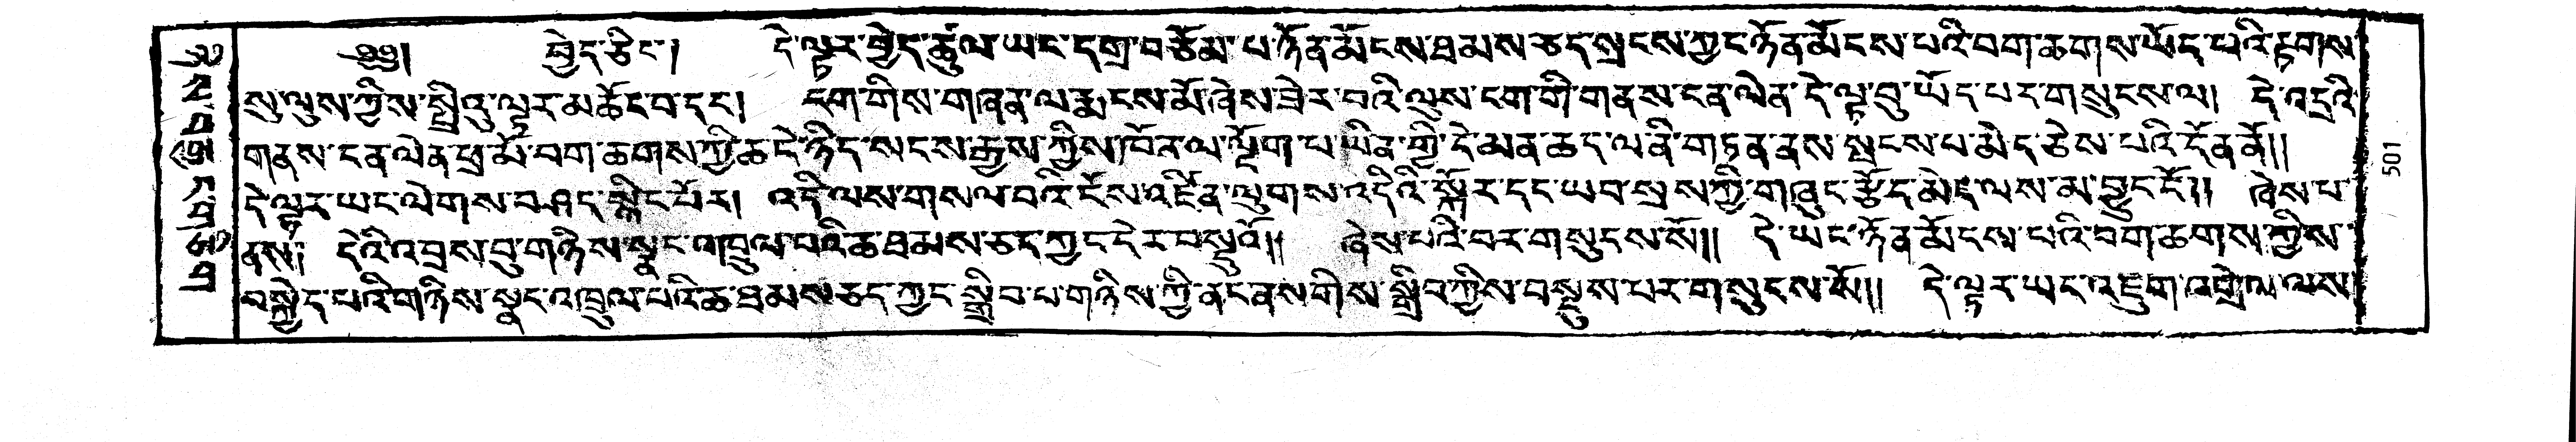༄༅། །བྱེད་ཅིང་། དེ་ལྟར་བྱེད་ཚུལ་ཡང་དགྲ་བཅོམ་པ་ཉོན་མོངས་ཐམས་ཅད་སྲངས་ཀྱང་ཉོན་མོངས་པའི་བག་ཆགས་ཡོད་པའི་རྟགས་
སུ་ལུས་ཀྱིས་སྤྲིའུ་ལྟར་མཆོང་བ་དང་། དག་གིས་གཞན་ལ་རྨངས་མོ་ཞེས་ཟེར་བའི་ལུས་ངག་གི་གནས་ངན་ལེན་དེ་ལྟ་བུ་ཡོད་པར་གསུངས་ལ། དེ་འདྲའི་
གནས་ངན་ལེན་ཕྲ་མོ་བག་ཆགས་ཀྱི་ཆ་དེ་ཉིད་སངས་རྒྱས་ཀྱིས་ཁོ་ན་ལ་ལྡོག་པ་ཡིན་གྱི་དེ་མན་ཆད་ལ་ནི་གཏན་ནས་སྤངས་པ་མེད་ཅེས་པའི་དོན་ནོ། །
དེ་ལྟར་ཡང་ལེགས་བཤད་སྙིང་པོར། འདི་ལས་གསལ་བའི་ངོས་འཛིན་ལུགས་འདིའི་སྐོར་དང་ཡབ་སྲས་ཀྱི་གཞུང་རྩོད་མེད་ལས་མ་བྱུང་ངོ། །ཞེས་པ་
ནས༑ དེའི་འབྲས་བུ་གཉིས་སྣང་འཁྲུལ་པའི་ཆ་ཐམས་ཅད་ཀྱང་དེར་བསྡུའོ། །ཞེས་པའི་བར་གསུངས་སོ། །དེ་ཡང་ཉོན་མོངས་པའི་བག་ཆགས་ཀྱིས་
བསྐྱེད་པའི་གཉིས་སྣང་འཁྲུལ་པའི་ཆ་ཐམས་ཅད་ཀྱང་སྒྲིབ་པ་གཉིས་ཀྱི་ནང་ནས་གིས་སྒྲིབ་ཀྱིས་བསྡུས་པར་གསུངས་སོ། །དེ་ལྟར་ཡང་འཇུག་འགྲེལ་ལས་